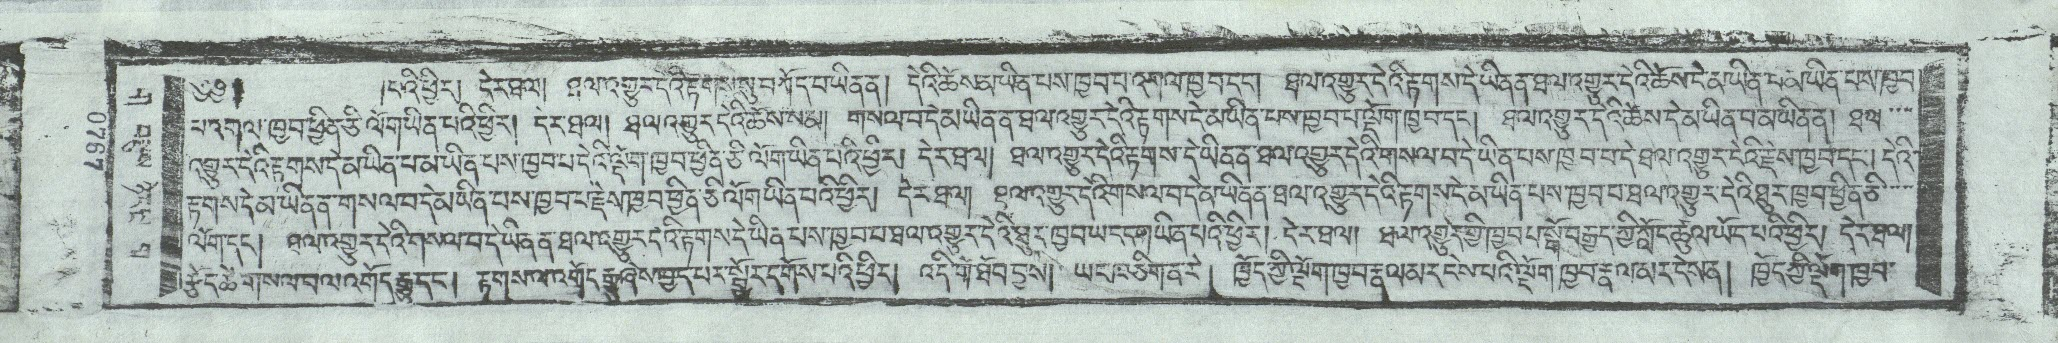༄༅། །པའི་ཕྱིར། དེར་ཐལ། ཐལ་འགྱུར་དེའི་རྟགས་སུ་བཀོད་པ་ཡིན་ན། དེའི་ཆོས་མ་ཡིན་པས་ཁྱབ་བ་འགལ་ཁྱབ་དང་། ཐལ་འགྱུར་དེའི་རྟགས་དེ་ཡིན་ན་ཐལ་འགྱུར་དེའི་ཆོས་དེ་མ་ཡིན་བ་མ་ཡིན་པས་ཁྱབ་
པ་འགལ་ཁྱབ་ཕྱིན་ཅི་ལོག་ཡིན་པའི་ཕྱིར། དེར་ཐལ། ཐལ་འགྱུར་དེའི་ཆོས་སམ། གསལ་བ་དེ་མ་ཡིན་ན་ཐལ་འགྱུར་དེའི་རྟགས་དེ་མ་ཡིན་པས་ཁྱབ་པ་ལྡོག་ཁྱབ་དང་། ཐལ་འགྱུར་དེའི་ཆོས་དེ་མ་ཡིན་པ་མ་ཡིན་ན། ཐལ་
འགྱུར་དེའི་རྟགས་དེ་མ་ཡིན་པ་མ་ཡིན་པས་ཁྱབ་པ་དེའི་ལྡོག་ཁྱབ་ཕྱིན་ཅི་ལོག་ཡིན་པའི་ཕྱིར། དེར་ཐལ། ཐལ་འགྱུར་དེའི་རྟགས་དེ་ཡིན་ན་ཐལ་འགྱུར་དེའི་གསལ་བ་དེ་ཡིན་པས་ཁྱབ་པ་དེ་ཐལ་འགྱུར་དེའི་རྗེས་ཁྱབ་དང་། དེའི་
རྟགས་དེ་མ་ཡིན་ན་གསལ་བ་དེ་མ་ཡིན་པས་ཁྱབ་པ་རྗེས་ཁྱབ་ཕྱིན་ཅི་ལོག་ཡིན་པའི་ཕྱིར། དེར་ཐལ། ཐལ་འགྱུར་དེའི་གསལ་བ་དེ་མ་ཡིན་ན་ཐལ་འགྱུར་དེའི་རྟགས་དེ་མ་ཡིན་པས་ཁྱབ་པ་ཐལ་འགྱུར་དེའི་ཐུར་ཁྱབ་ཕྱིན་ཅི་
ལོག་དང་། ཐལ་འགྱུར་དེའི་གསལ་པ་དེ་ཡིན་ན་ཐལ་འགྱུར་དེའི་རྟགས་དེ་ཡིན་པས་ཁྱབ་པ་ཐལ་འགྱུར་དེའི་ཐུར་ཁྱབ་ཡང་དག་ཡིན་པའི་ཕྱིར། དེར་ཐལ། ཐལ་འགྱུར་གྱི་ཁྱབ་པ་སྒོ་བརྒྱད་ཀྱི་ཀློང་ཚུལ་ཡོད་པའི་ཕྱིར། དེར་ཐལ།
རྩོད་ཚེ་གསལ་བ་ལ་འགོད་རྒྱུ་དང་། རྟགས་ལ་འགོད་རྒྱུ་ཞེས་ཁྱད་པར་སྦྱོར་དགོས་པའི་ཕྱིར། འདི་གོ་ཐོབ་བྱས། ཡང་ཁ་ཅིག་ན་རེ། ཁྱོད་ཀྱི་ལྡོག་ཁྱབ་རྣམ་མར་ངེས་པའི་ལྡོག་ཁྱབ་རྣལ་མར་ངེས་ན། ཁྱོད་ཀྱི་ལྡོག་ཁྱབ་